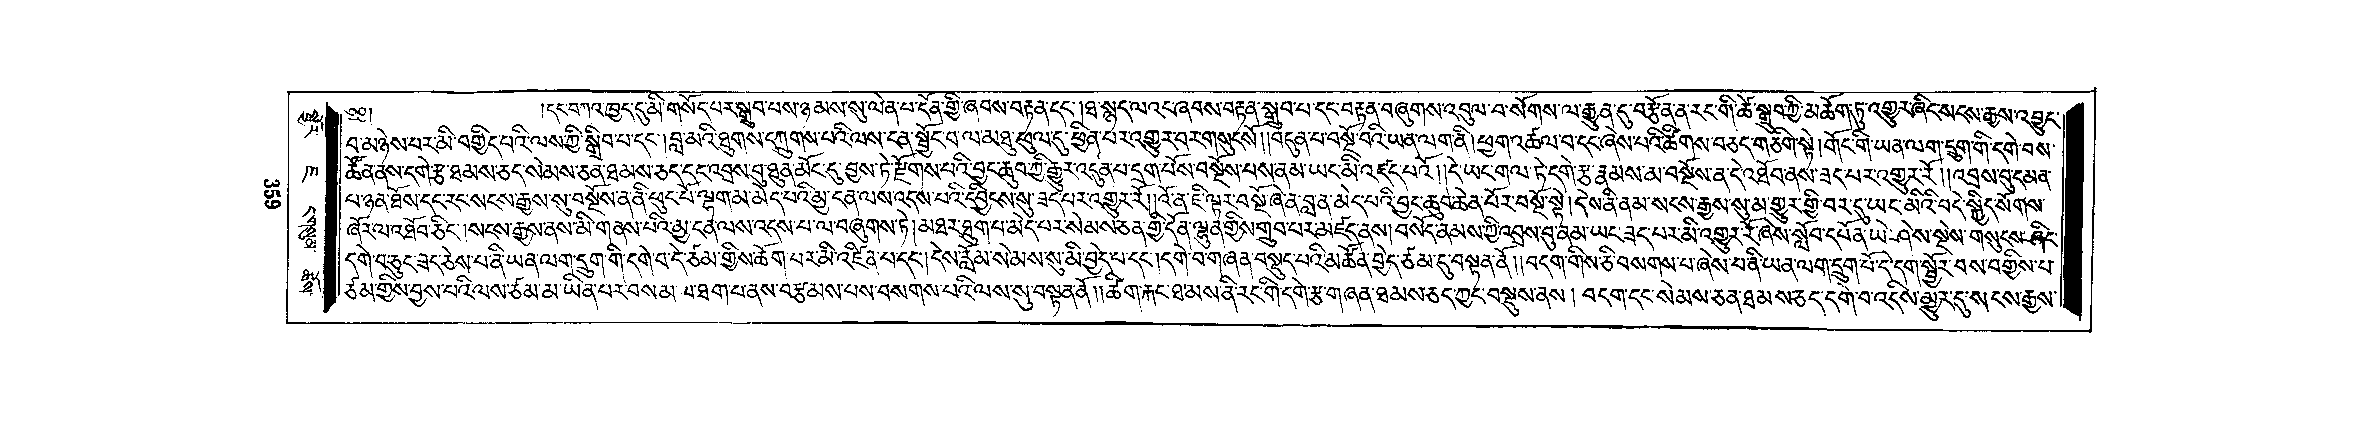༄༅། །དང་བཀའ་ཁྱད་དུ་མི་གསོད་པར་སྒྲུབ་པས་ཉམས་སུ་ལེན་པ་དོན་གྱི་ཞབས་བརྟན་དང་། ཐ་སྙད་ལའང་ཞབས་བརྟན་ག་པའི་ལ་ག་བརྟན་བཞུགས་འབུལ་བ་སོགས་ལ་རྒྱུན་དུ་བརྩོན་ན་རང་གི་ཚེ་སྒྲུབ་ཀྱི་མཆོག་ཏུ་འགྱུར་ཞིང་སངས་རྒྱས་འབྱུང་
བ་མཉེས་པར་མི་བགྱིད་པའི་ལས་ཀྱི་སྒྲིབ་པ་དང་། བླ་མའི་ཐུགས་དཀྲུགས་པའི་ལས་ངན་སྦྱོང་བ་ལ་མཐུ་ཕུལ་དུ་ཕྱིན་པར་འགྱུར་བར་གསུངས་སོ། །བདུན་པ་བསྔོ་བའི་ཡན་ལག་ནི། ཕྱག་འཚལ་བ་དང་ཞེས་པའི་ཚིགས་བཅད་གཅིག་སྟེ། གོང་གི་ཡན་ལག་དྲུག་གི་དགེ་བས་
ཚོན་ནས་དགེ་རྩ་ཐམས་ཅད་སེམས་ཅན་ཐམས་ཅད་དང་འབྲས་བུ་ཐུན་མོང་དུ་བྱས་ཏེ་རྫོགས་པའི་བྱང་ཆུབ་ཀྱི་རྒྱུར་འདུན་པ་དྲག་པོས་བསྔོས་པས་ནམ་ཡང་མི་འཛད་པའོ། །དེ་ཡང་གལ་ཏེ་དགེ་རྩ་རྣམས་མ་བསྔོས་ན་དེ་འཐོབ་ནས་ཟད་པར་འགྱུར་རོ། །འབྲས་བུ་དམན་
པ་ཉན་ཐོས་དང་རང་སངས་རྒྱས་སུ་བསྔོས་ན་ནི་ཕུང་པོ་ལྷག་མ་མེད་པའི་མྱ་ངན་ལས་འདས་པའི་དབྱིངས་སུ་ཟད་པར་འགྱུར་རོ། །འོ་ན་ཇི་ལྟར་བསྔོ་ཞེ་ན་བླ་ན་མེད་པའི་བྱང་ཆུབ་ཆེན་པོར་བསྔོ་སྟེ། དེས་ནི་ནམ་སངས་རྒྱས་སུ་མ་གྱུར་གྱི་བར་དུ་ཡང་མིའི་བདེ་སྐྱིད་སོགས་
ཞོར་ལ་འཐོབ་ཅིང་། སངས་རྒྱས་ནས་མི་གནས་པའི་མྱ་ངན་ལས་འདས་པ་ལ་བཞུགས་ཏེ། མཐར་ཐུག་པ་མེད་པར་སེམས་ཅན་གྱི་དོན་ལྷུན་གྱིས་གྲུབ་པར་མཛད་ནས། བསོད་ནམས་ཀྱི་འབྲས་བུ་ནམ་ཡང་ཟད་པར་མི་འགྱུར་རོ་ཞེས་སློབ་དཔོན་ཡེ་ཤེས་སྡེས་གསུངས་ཤིང་
དགེ་བ་ཅུང་ཟད་ཅེས་པ་ནི་ཡན་ལག་དྲུག་གི་དགེ་བ་དེ་ཙམ་གྱིས་ཆོག་པར་མི་འཛིན་པ་དང་། དེས་རློམ་སེམས་སུ་མི་བྱེད་པ་དང་། དགེ་བ་གཞན་བསྡུད་པའི་མཚོན་བྱེད་ཙམ་དུ་བསྟན་ནོ། །བདག་གིས་ཅི་བསགས་པ་ཞེས་པ་ནི་ཡན་ལག་དྲུག་པོ་དེ་དག་སྦྱོར་བས་བགྱིས་པ་
ཙམ་གྱིས་བྱས་པའི་ལས་ཙམ་མ་ཡིན་པར་བསམ་པ་ཐག་པ་ནས་བརྩམས་པས་བསགས་པའི་ལས་སུ་བསྟན་ནོ། །ཚིག་རྐང་ཐ་མས་ནི་རང་གི་དགེ་རྩ་གཞན་ཐམས་ཅད་ཀྱང་བསྡུས་ནས། བདག་དང་སེམས་ཅན་ཐམས་ཅད་དགེ་བ་འདིས་མྱུར་དུ་སངས་རྒྱས་